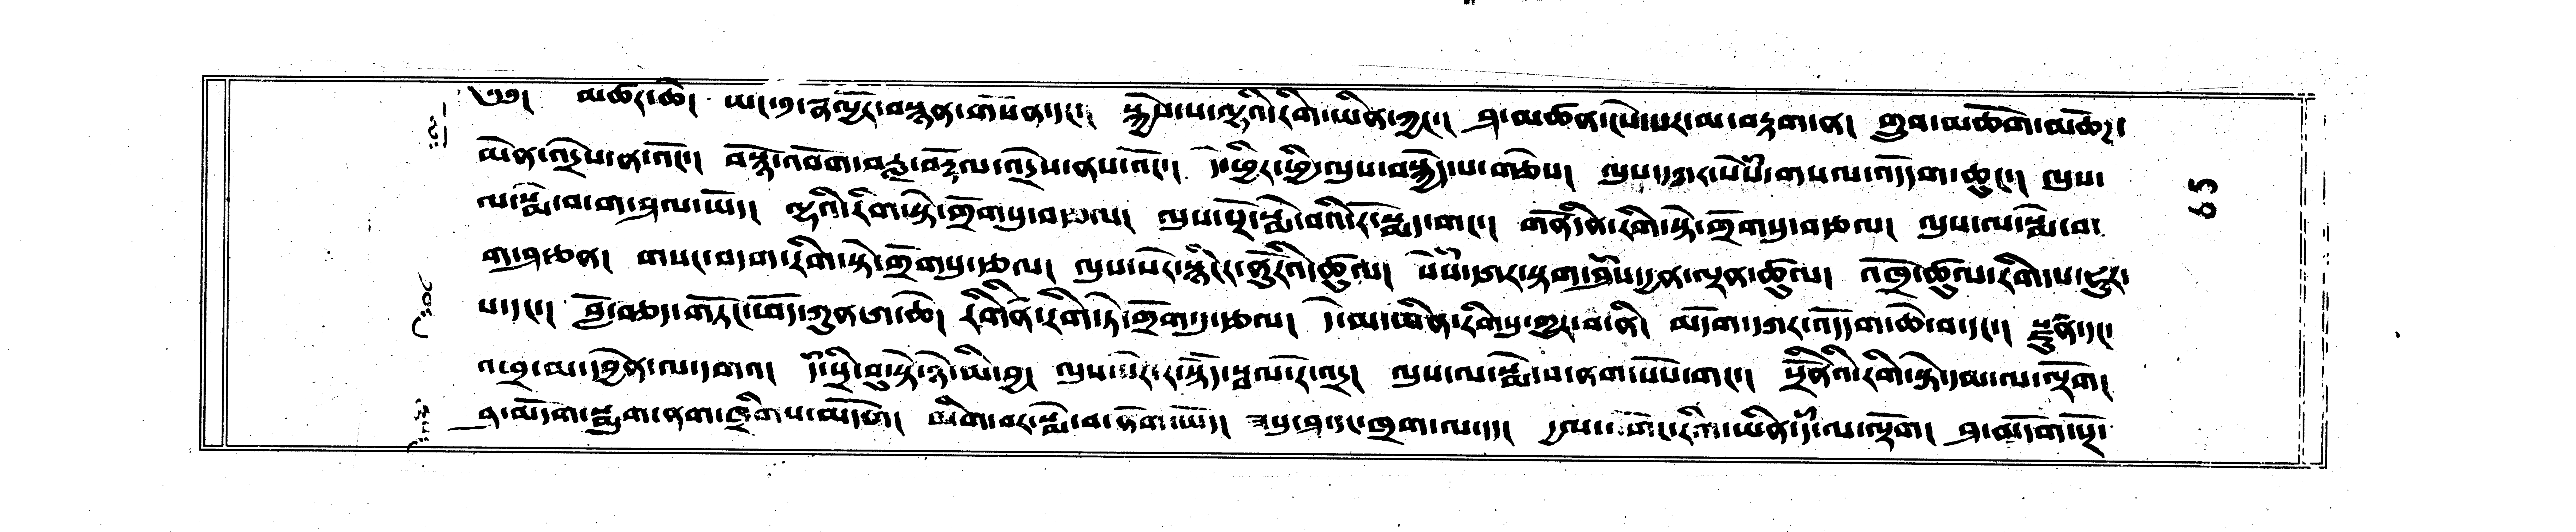མཚར་ཆེ། ཡང་གཅིག་རྣལ་འབྱོར་སྙན་གསོན་དང་། སྐྱེས་པ་ལྷའི་རིགས་ཡིན་ཀྱང་། ཤ་མཚན་ངེས་པར་མ་བརྟགས་ན། གྲུབ་ཐོབ་མཆོག་
དམན་འདྲེས་ནས་འོང་། དེ་ཕྱིར་ཕྱི་ལུས་བསྐྱེད་པ་གཅེས། ལུས་དཀར་སེམས་གསལ་འདོད་ཆགས་ཆུང་། ལུས་
ལ་སྨེ་བ་ག་ཤལ་ཡོད། ལྷའི་རིགས་ཏེ་གྲོགས་སུ་བཙལ། ལུས་སྔོ་སྨེ་བའི་རོ་སྨད་གང་། གནོད་སྦྱིན་རིགས་ཏེ་གྲོགས་སུ་བཙལ། ལུས་ལ་སྨེ་བ་
ག་ཤ་ཅན། གསང་བདག་རིགས་ཏེ་གྲོགས་སུ་བཙལ། ལུས་སེར་སྙིང་གར་ནོར་བུའི་ཚུལ། སེམས་དཀར་སྟག་ཤམ་རྒྱན་ལྡན་ཚུལ། འཁྲོ་ཚུལ་རིག་པ་ཧུར་
པ་དང་། བློ་བཅད་གཏོང་ཕོད་ཀུན་ཀ་ཆེ། རིག་འཛིན་རིགས་ཏེ་གྲོགས་སུ་བཙལ། དེ་མ་ཡིན་རིགས་སུ་གྱུར་པ་ནི། མདོག་དཀར་འདོད་ཆགས་ཆེ་བ་དང་། རྫུན་དང་
ཕྲ་མ་དབྱེན་ལ་དགའ། དམ་སྲི་བུ་སྟེ་ཉེ་མི་བྱ། ལུས་སེར་རོ་སྟོད་སྦལ་རོ་འདྲ། ལུས་ལ་སྨེ་བ་ནག་པོས་གང་། སྲིན་པོའི་རིག་སྐེ་དམ་ལ་ལྡོག 
ཤ་མདོག་སྨུག་ནག་ཁྲག་གི་མདོག མིག་བར་སྨེ་བ་ནག་པོ་ཡོད། ཟས་སུ་ཤ་དང་ཁྲག་ལ་དད། རྒྱལ་འགོང་རིགས་ཡིན་དམ་ལ་ལྡོག། ཤ་མདོག་སྔོ་